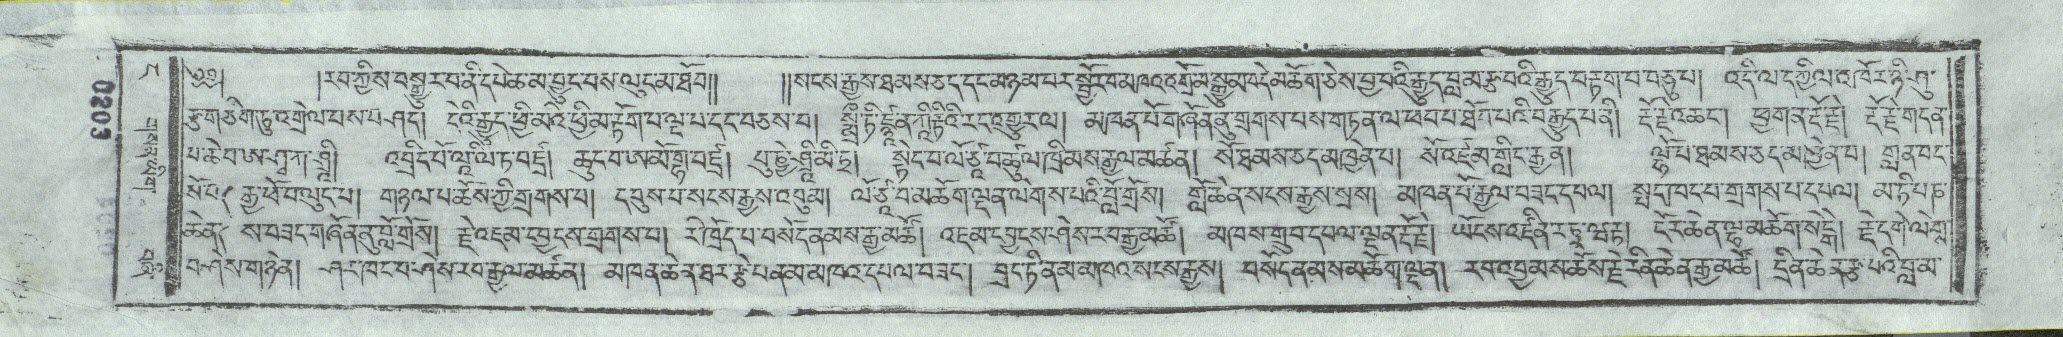༄༅། །རབ་ཀྱིས་བསྒྱུར་བ་ནི་དཔེ་ཆ་མ་བྱུང་བས་ལུང་མ་ཐོབ།། །།སངས་རྒྱས་ཐམས་ཅད་དང་མཉམ་པར་སྦྱོར་བ་མཁའ་འགྲོ་མ་སྒྱུ་མ་བདེ་མཆོག་ཅེས་བྱ་བའི་རྒྱུད་བླ་མ་རྩ་བའི་རྒྱུད་བརྟག་པ་བཅུ་པ། འདི་ལ་དཀྱིལ་འཁོར་ཉི་ཤུ་
རྩ་གཅིག་ཏུ་འགྲེལ་པས་བཤད། དེའི་རྒྱུད་ཕྱི་མའི་ཕྱི་མ་རྟོག་པ་ལྔ་པ་དང་བཅས་པ། སྨྲྀ་ཏི་ཛྙཱ་ན་ཀཱི་རྟིའི་རང་འགྱུར་ལ། མཁན་པོ་གཞོན་ནུ་གྲགས་པས་གཏན་ལ་ཕབ་པ་ཐོབ་པའི་བརྒྱུད་པ་ནི། རྡོ་རྗེ་འཆང་། ཕྱག་ན་རྡོ་རྗེ། རྡོ་རྗེ་གདན་
པ་ཆེ་བ་ཨ་ཤྭ་ཀ་ཤྲཱི། འབྲིང་པོ་ལཱ་ལི་ཏ་བྫྲ། ཆུང་བ་ཨ་མོ་གྷ་བྫྲ། བུ་ཎྱེ་ཤྲཱི་མི་ཏྲ། སྟེང་བ་ལོ་ཙཱ་བ་ཚུལ་ཁྲིམས་རྒྱལ་མཚན། སོ་ཐམས་ཅད་མཁྱེན་པ། སོ་འཛམ་གླིང་རྒྱན། ལྷོ་པ་ཐམས་ཅད་མཁྱེན་པ། གླན་བང་
སོ་བ༑ རྒྱ་ཕོ་པ་ལུང་པ། གཉལ་པ་ཆོས་ཀྱི་གྲགས་པ། དབུས་པ་སངས་རྒྱས་འབུམ། ལོ་ཙཱ་བ་མཆོག་ལྡན་ལེགས་པའི་བློ་གྲོས། གློ་ཆེན་སངས་རྒྱས་སྲས། མཁན་པོ་རྒྱལ་བཟང་དཔལ། སྤད་ཁང་པ་གྲགས་པ་དཔལ། མ་ཏི་པཎ་
ཆེན༑ ས་བཟང་གཞོན་ནུ་བློ་གྲོས། རྗེ་འཇམ་དབྱངས་གྲགས་པ། རི་ཁྲོད་པ་བསོད་ནམས་རྒྱ་མཚོ། འཇམ་དབྱངས་ཤེས་རབ་རྒྱ་མཚོ། མཁས་གྲུབ་དཔལ་ལྡན་རྡོ་རྗེ། ཡོངས་འཛིན་རྲཏྣ་ཝ་རྟ། ངོར་ཆེན་ལྷ་མཆོག་སེངྒེ་རྗེ་དགེ་ལེགས་
བཤེས་གཉེན། ཤར་ཁང་བ་ཤེས་རབ་རྒྱལ་མཚན། མཁན་ཆེན་ཐར་རྩེ་པ་ནམ་མཁའ་དཔལ་བཟང་། བྲང་ཏི་ནམ་མཁའ་སངས་རྒྱས། བསོད་ནམས་མཆོག་ལྡན། རབ་འབྱམས་ཆོས་རྗེ་རིན་ཆེན་རྒྱ་མཚོ། དྲིན་ཆེན་རྩ་པའི་བླ་མ་